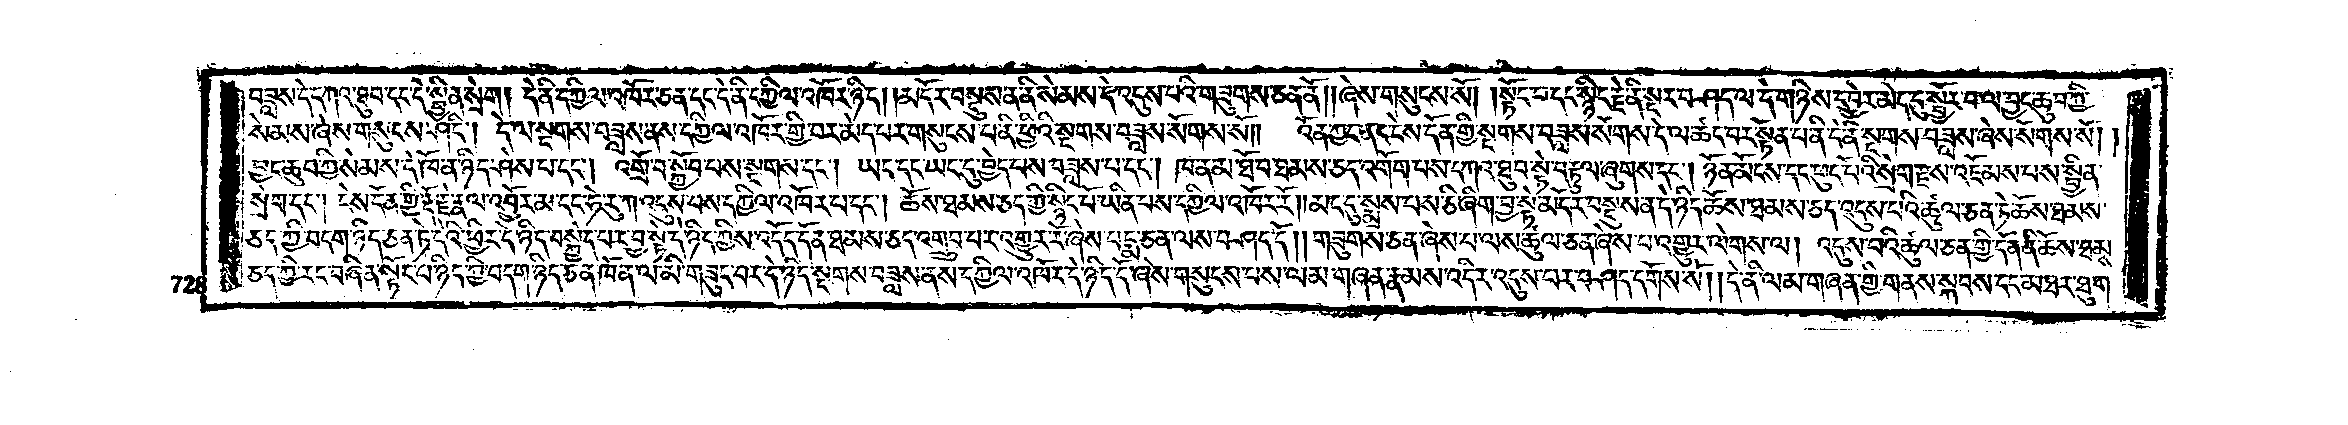བཟླས་དེ་དཀའ་ཐུབ་དང་དེ་སྦྱིན་སྲེག །དེ་ནི་དཀྱིལ་འཁོར་ཅན་དང་དེ་ནི་དཀྱིལ་འཁོར་ཉིད། །མདོར་བསྡུས་ན་ནི་སེམས་དེ་འདུས་པའི་གཟུགས་ཅན་ནོ། །ཞེས་གསུངས་སོ། །སྟོང་པ་དང་སྙིང་རྗེ་ནི་སྔར་བཤད་ལ་དེ་གཉིས་དབྱེར་མེད་དུ་སྦྱོར་བ་ལ་བྱང་ཆུབ་ཀྱི་
སེམས་ཞེས་གསུངས་ཤིང་། དེ་ལ་སྔགས་བཟླས་ནས་དཀྱིལ་འཁོར་གྱི་བར་མེད་པར་གསུངས་པ་ནི་ཕྱིའི་སྔགས་བཟླས་སོགས་སོ། །འོན་ཀྱང་ནང་ངེས་དོན་གྱི་སྔགས་བཟླས་སོགས་དེ་ལ་ཚང་བར་སྟོན་པ་ནི་དེ་ནི་སྔགས་བཟླས་ཞེས་སོགས་སོ། །
བྱང་ཆུབ་ཀྱི་སེམས་དེ་ཁོ་ན་ཉིད་ཤེས་པ་དང་། འགྲོ་བ་སྐྱོབ་པས་སྔགས་དང་། ཡང་དང་ཡང་དུ་བྱེད་པས་བཟླས་པ་དང་། ཁ་ན་མ་ཐོ་པ་ཐམས་ཅད་འགོག་པས་དཀའ་ཐུབ་སྟེ་བརྟུལ་ཞུགས་དང་། ཉོན་མོངས་དང་ཕུང་པོའི་སྲེག་རྫས་འཇོམས་པས་སྦྱིན་
སྲེག་དང་། ངེས་དོན་གྱི་རྡོ་རྗེ་རྣལ་འབྱོར་མ་དང་ཧེ་རུ་ཀ་འདུས་པས་དཀྱིལ་འཁོར་པ་དང་། ཆོས་ཐམས་ཅད་ཀྱི་སྙིང་པོ་ཡིན་པས་དཀྱིལ་འཁོར་རོ། །མང་དུ་སྨྲས་པས་ཅི་ཞིག་བྱ་སྟེ་མདོར་བསྡུས་ན་དེ་ཉིད་ཆོས་ཐམས་ཅད་འདུས་པའི་ཚུལ་ཅན་ཏེ་ཆོས་ཐམས་
ཅད་ཀྱི་བདག་ཉིད་ཅན་ཏེ་དེའི་ཕྱིར་དེ་ཉིད་བསྐྱེད་པར་བྱ་སྟེ་དེ་ཉིད་ཀྱིས་འདོད་དོན་ཐམས་ཅད་འགྲུབ་པར་འགྱུར་རོ་ཞེས་པདམ་ཅན་ལས་བཤད་དོ། །གཟུགས་ཅན་ཞེས་པ་ལས་ཚུལ་ཅན་ཞེས་པ་འགྱུར་ལེགས་ལ། འདུས་པའི་ཚུལ་ཅན་གྱི་དོན་ནི་ཆོས་ཐམས་
ཅད་ཀྱི་རང་བཞིན་སྟོང་པ་ཉིད་ཀྱི་བདག་ཉིད་ཅན་ཁོ་ན་ལ་མི་གཟུང་བར་དེ་ཉིད་སྔགས་བཟླས་ནས་དཀྱིལ་འཁོར་དེ་ཉིད་དོ་ཞེས་གསུངས་པས་ལམ་གཞན་རྣམས་འདིར་འདུས་པར་བཤད་དགོས་སོ། །དེ་ནི་ལམ་གཞན་གྱི་གནས་སྐབས་དང་མཐར་ཐུག་